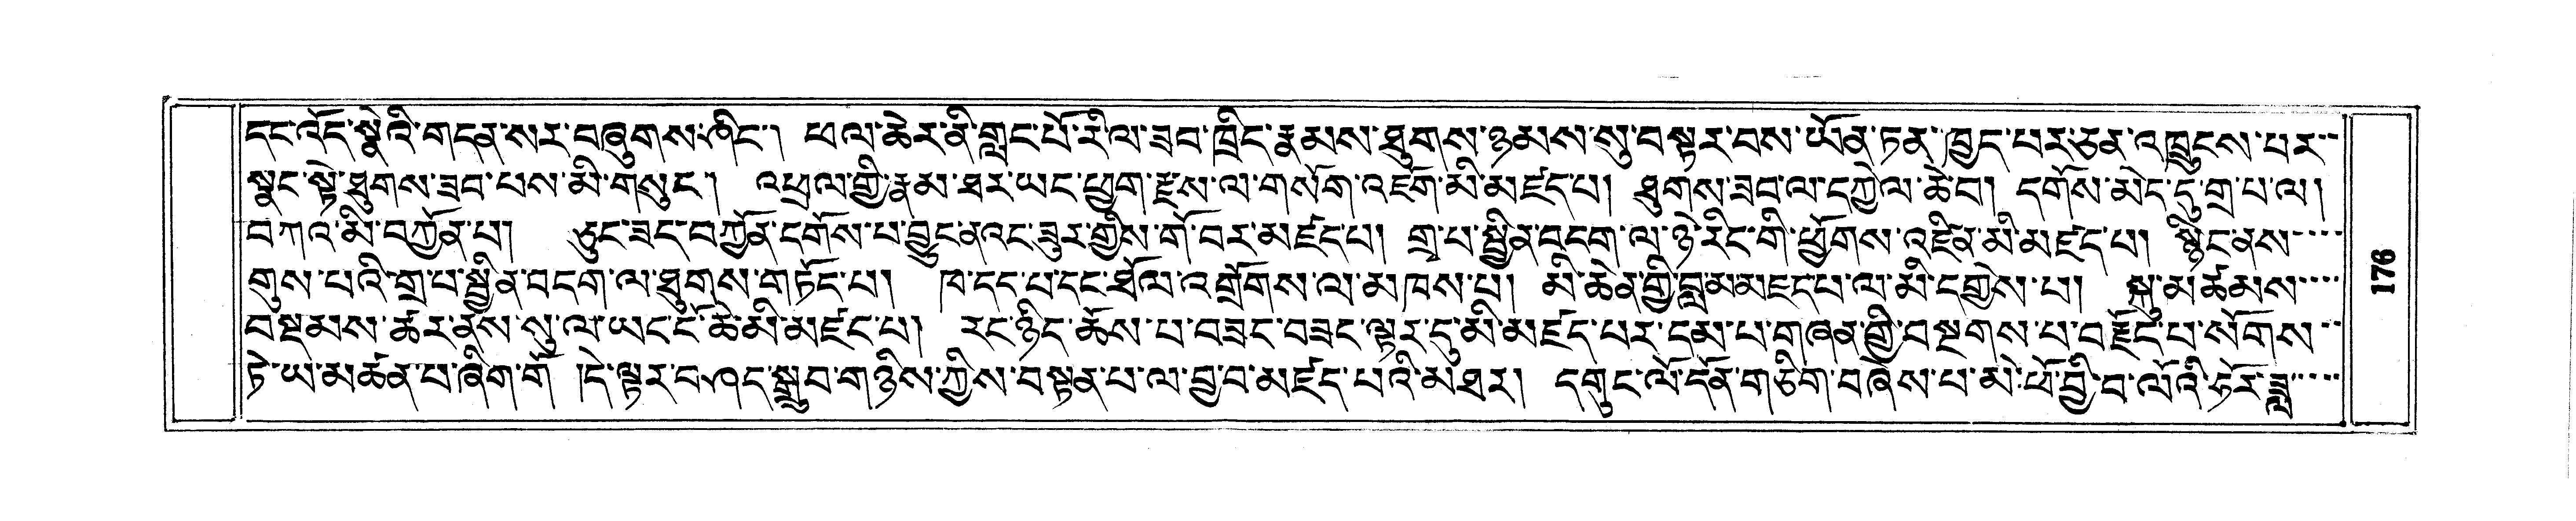དང་འོད་སྣེའི་གདན་སར་བཞུགས་ཤིང་། ཕལ་ཆེར་ནི་གླང་པོ་རི་ལ་ཟབ་ཁྲིད་རྣམས་ཐུགས་ཉམས་སུ་བསྟར་བས་ཡོན་ཏན་ཁྱད་པར་ཅན་འཁྲུངས་པར་
སྣང་སྟེ་ཐུགས་ཟབ་པས་མི་གསུང་། འཕྲལ་གྱི་རྣམ་ཐར་ཡང་ཕྱག་རྫས་ལ་གསོག་འཇོག་མི་མཛད་པ། ཐུགས་ཟབ་ལ་དཀྱེལ་ཆེ་བ། དགོས་མེད་དུ་གྲ་པ་ལ།
བཀའ་མི་བཀྱོན་པ། ཅུང་ཟད་བཀྱོན་དགོས་པ་བྱུང་ནའང་ཟུར་གྱིས་གོ་བར་མཛད་པ། གྲྭ་པ་སྦྱིན་བདག་ལ་ཉེ་རིང་གི་ཕྱོགས་འཛིན་མི་མཛད་པ། སྙིང་ནས་
གུས་པའི་གྲ་པ་སྦྱིན་བདག་ལ་ཐུགས་གཏོང་པ། ཁ་དང་པ་དང་ཐོལ་འགྲོགས་ལ་མཁས་པ། མི་ཆེན་གྱི་བླ་མ་མཛད་པ་ལ་མི་དགྱེས་པ། སྐུ་མཚམས་
བསྡམས་ཚར་ནས་སུ་ལ་ཡང་ངོ་ཆེ་མི་མཛད་པ། རང་ཉིད་ཆོས་པ་བཟང་བཟང་ལྟར་དུ་མི་མཛད་པར་དམ་པ་གཞན་གྱི་བསྔགས་པ་བརྗོད་པ་སོགས་
ཏེ་ཡ་མཚན་པ་ཞིག་གོ །དེ་ལྟར་བཤད་སྒྲུབ་གཉིས་ཀྱིས་བསྟན་པ་ལ་བྱ་བ་མཛད་པའི་མཐར། དགུང་ལོ་དོན་གཅིག་བཞེས་པ་མེ་ཕོ་བྱི་བ་ལོའི་ཧོར་ཟླ་